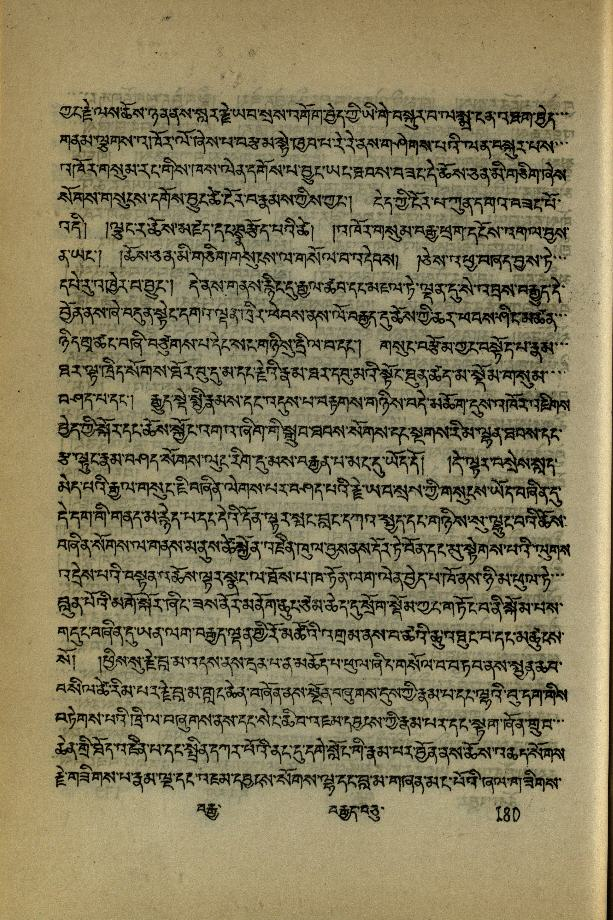ཀྱང་རྗེ་ལས་ཆོས་ཉན་ནས་སླར་རྗེ་ཡབ་སྲས་འགོག་བྱེད་ཀྱི་ཡི་གེ་བསྐུར་བ་ལ་སྨྲ་ངན་འཐག་བྱེད་
གནམ་ལྕགས་འཁོར་ལོ་ཞེས་པ་བརྩམ་སྟེ་ཁྱབ་པ་རེ་རེ་ནས་གཤེགས་པའི་ལན་བསྐུར་པས་
འཁོར་གསུམ་རང་གིས་ཁས་ལེན་དགོས་པ་བྱུང་ཡང་ཐབས་བཟང་དེ་ཆོས་ཅན་མི་གཅིག་ཞེས་
སོགས་གསུངས་དགོས་བྱུང་ཚེ་ངོར་བ་རྣམས་ཀྱིས་ཀྱང་། ངེད་ཀྱི་ངོར་པ་ཀུན་དགའ་བཟང་པོ་
འདི། །ལྕང་ར་ཆོས་མཛད་དང་ནི་བརྩོད་པའི་ཚེ། །འཁོར་གསུམ་བརྒྱ་ཕྲག་དངོས་འགལ་བྱས་
ན་ཡང་། །ཆོས་ཅན་མི་གཅིག་གསུངས་ལ་གསོལ་བ་འདེབས། །ཅེས་འཕྱ་བཞད་བྱས་ཏེ་
དཔེ་རུ་འཁྱེར་བ་བྱུང་། དེ་ནས་གནས་རྙིང་དུ་རྒྱལ་ཚབ་དང་མཇལ་ཏེ་ལྡན་དུ་སེ་འབྲས་བརྒྱུད་དེ་
བྱོན་ནས་ཞེ་བདུན་སྟེང་དགའ་ལྡན་ཁྲིར་ཕེབས་ནས་ལོ་བརྒྱད་དུ་ཆོས་ཀྱི་ཆར་ཕབས་ཤིང་མཚན་
ཉིད་གྲྭ་ཚང་བཞི་བཙུགས་པ་དེང་སང་གཉིསུ་དྲིལ་བ་དང་། གསུང་བརྩོམ་ཀྱང་བསྟོད་པ་རྣམ་
ཐར་ལྟ་ཁྲིད་སོགས་ཐོར་བུ་དུ་མ་དང་རྗེའི་རྣམ་ཐར་དབུ་མའི་སྟོང་ཐུན་ཚད་མ་སྡོམ་གསུམ་
བཤད་པ་དང་། རྒྱུད་སྡེ་སྤྱི་རྣམས་དང་འདུས་པ་བརྟགས་གཉིས་བདེ་མཆོག་དུས་འཁོར་འཇིགས་
བྱེད་ཀྱི་སྐོར་དང་ཆོས་སྐྱོང་འགའ་ཞིག་གི་སྒྲུབ་ཐབས་སོགས་དང་སྔགས་རིམ་ལྷན་ཐབས་དང་
རྩ་ལྟུང་རྣམ་བཤད་སོགས་ལུང་རིག་དུ་མས་བརྒྱན་པ་མང་དུ་ཡོད་དོ། །དེ་ལྟར་བསྲེས་སླད་
མེད་པའི་རྒྱལ་གསུང་ཇི་བཞིན་ལེགས་པར་བཤད་པའི་རྗེ་ཡབ་སྲས་ཀྱི་གསུང་ཡོད་བཞིན་དུ་
དེ་དག་གི་གནད་མ་རྙེད་པ་དང་དེའི་དོན་ལྟར་སྤང་བླང་དཀའ་སྤྱད་དང་གཉིས་སུ་ལྷུང་བའི་ཆོས་
བཞིན་སོགས་ལ་གནས་མ་ནུས་ཚེ་སྐྱོན་འཛིན་ཁུལ་བྱས་ནས་དོར་ཏེ་བོན་དང་མུ་སྟེགས་པའི་ལུགས་
འདྲེས་པའི་བསྟན་འཆོས་ལྟར་སྣང་ལ་ཐོས་པ་ཁ་ཏོན་ལག་ལེན་བྱེད་པ་ཁོ་ནས་ཉི་མ་ཕུལ་ཏེ་
བླུན་པོའི་མགོ་སྐོར་ཞིང་ཟས་ནོར་མནོག་ཆུང་ཙམ་ཆེད་དུ་སྲོག་སྡོམ་ཀྱང་གཏོང་བ་ནི་སྐོམ་པས་
གདུང་བཞིན་དུ་ཡན་ལག་བརྒྱད་ལྡན་གྱི་རོ་མཚོའི་འགྲམ་ནས་བ་ཚེའི་ཆུ་འཐུང་བ་དང་མཚུངས་
སོ། །ཕྱིས་སུ་རྗེ་བླ་མ་འདས་ནས་དྲན་པ་ན་མཆོད་པ་ཕུལ་ཞིང་གསོལ་བ་བཏབ་ནས་སྤྱན་ཆབ་
བསིལ་ཚེ་རིམ་པར་རྗེ་བླ་མ་གླང་ཆེན་བཞོན་ནས་སྔོན་བཞུགས་དུས་ཀྱི་རྣམ་པ་དང་ལྷའི་བུ་དག་གིས་
བཏེགས་པའི་ཁྲི་ལ་བཞུགས་ནས་དང་སེང་ཆིབ་འཇམ་དབྱངས་ཀྱི་རྣམ་པར་དང་སྟག་ཞོན་གྲུབ་
ཆེན་གྲི་ཐོད་འཛིན་པ་དང་སྤྲིན་དཀར་པོའི་ནང་དུ་དགེ་སློང་གི་རྣམ་པར་བྱོན་ནས་ཆོས་འཆད་སོགས་
རྗེ་གཟིགས་པ་རྣམ་ལྔ་དང་འཇམ་དབྱངས་སོགས་ལྷ་དང་བླ་མ་གཞན་མང་པོའི་ཞལ་གཟིགས་